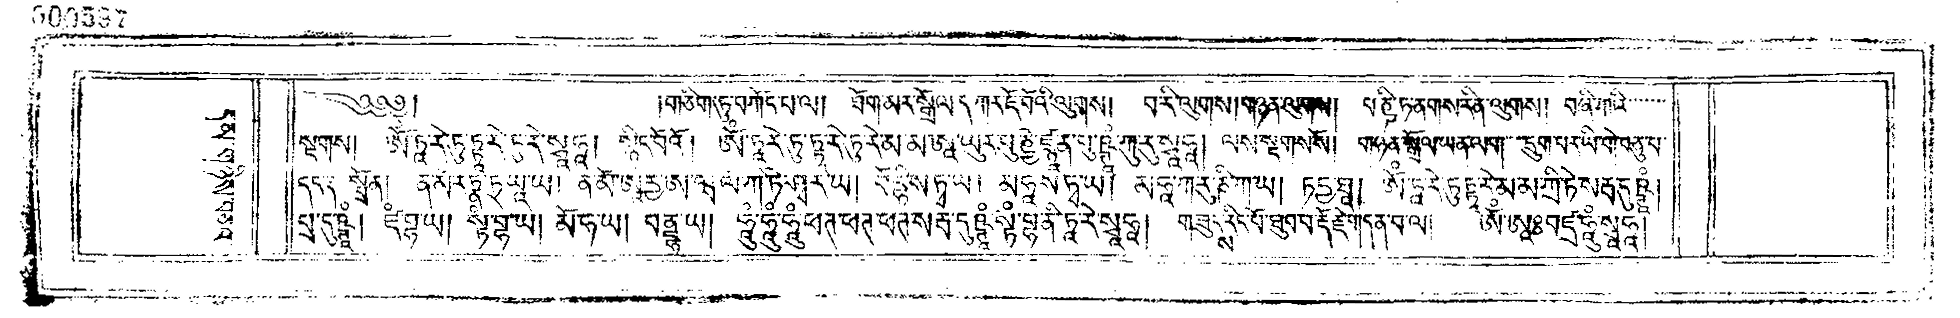༄༅༅། །གཅིག་ཏུ་བཀོད་པ་ལ། ཐོག་མར་སྒྲོལ་དཀར་ཇོ་བོའི་ལུགས། བ་རི་ལུགས། གཉན་ལུགས། པཎྜི་ཏ་ནགས་རིན་ལུགས། བཞི་ཀའི་
སྔགས། ཨོཾ་ཏཱ་རེ་ཏུ་ཏྟཱ་རེ་ཏུ་རེ་སྭཱཧཱ། སྙིང་བོའོ།  ཨོཾ་ཏཱ་རེ་ཏུ་ཏྟཱ་རེ་ཏུ་རེ་མ་མ་ཨཱ་ཡུར་པུཎྱེ་ཛྙཱ་ན་པུ་ཥྚཱཾ་ཀུ་རུ་སྭཱཧཱ། ལས་སྔགས་སོ། གཉན་སྒྲོལ་ཡན་ལག་དྲུག་པར་ཡི་གེ་བཅུ་པ་
དང༑ སྤྲོ་ན། ན་མོ་རཏྣ་ཏྲ་ཡཱ་ཡ། ན་མོ་ཨཱརྱ་ཨ་ཝ་ལོ་ཀི་ཏེ་ཤྭ་ར་ཡ། བོདྷི་སཏྭ་ཡ། མ་ཧཱ་སཏྭ་ཡ། མ་ཧཱ་ཀ་རུ་ཎི་ཀ་ཡ། ཏ་དྱ་ཐཱ། ཨོཾ་ཏཱ་རེ་ཏུ་ཏྟཱ་རེ་མ་མ་ཀྲི་ཏེ་སརྦ་དུ་ཥྚཱཾ།
པྲ་དུ་ཥྚཱཾ། ཛཾ་བྷ་ཡ། སྟཾ་བྷ་ཡ། མོ་ཧ་ཡ། བནྡྷ་ཡ། ཧཱུཾ་ཧཱུཾ་ཧཱུཾ་ཕཊ་ཕཊ་ཕཊ་སརྦ་དུཥྚཱཾ་སྟཾ་བྷ་ནི་ཏཱ་རེ་སྭཱ་ཧཱ། གཟུངས་རིང་པོ་ཐུབ་པ་རྡོ་རྗེ་གདན་བ་ལ།  ཨོཾ་ཨཱཿ བཛྲ་ཧཱུཾ་སྭཱ་ཧཱ།